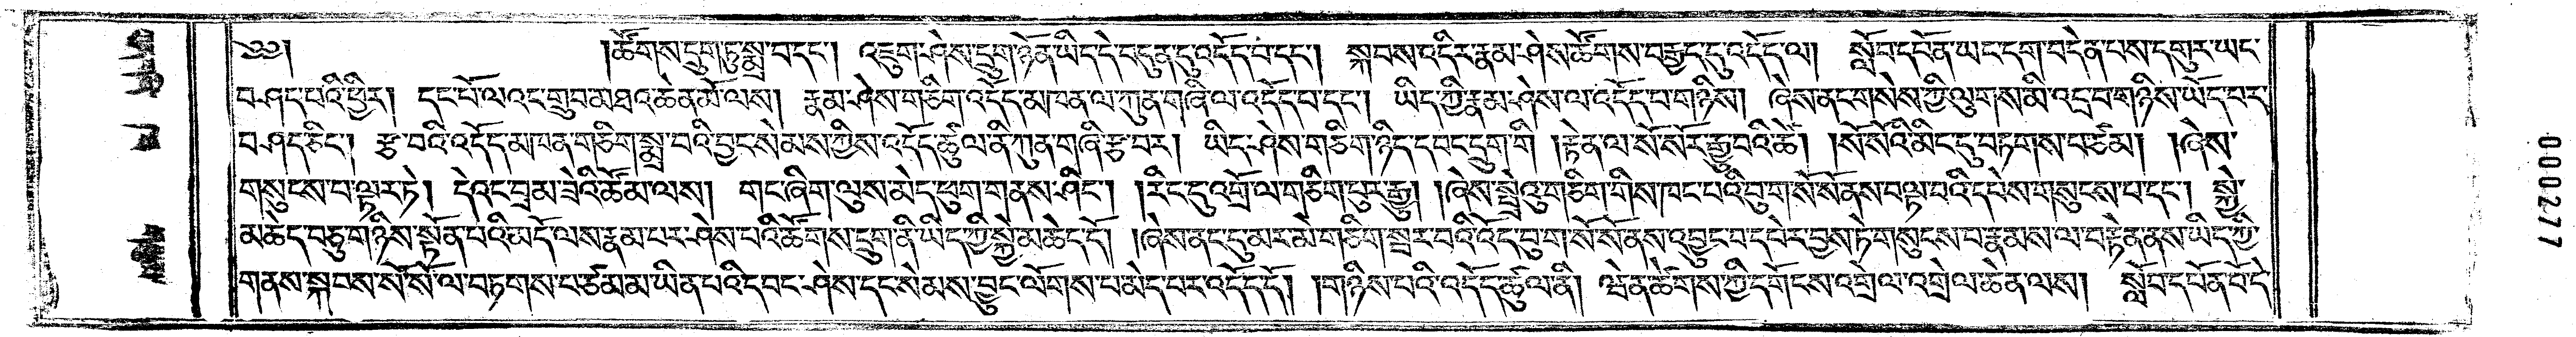༄༅། །ཚོགས་དྲུག་ཏུ་སྨྲ་བ་དང་། འཇུག་ཤེས་དྲུག་ཉོན་ཡིད་དེ་བདུན་དུ་འདོད་པ་དང་། སྐབས་འདིར་རྣམ་ཤེས་ཚོགས་བརྒྱད་དུ་འདོད་ལ། སློབ་དཔོན་ཡང་དག་བདེན་བས་དགུར་ཡང་
བཤད་པའི་ཕྱིར། དང་པོ་ལའང་གྲུབ་མཐའ་ཆེན་མོ་ལས། རྣམ་ཤེས་གཅིག་འདོད་མཁན་ལ་ཀུན་གཞི་ལ་འདོད་པ་དང་། ཡིད་ཀྱི་རྣམ་ཤེས་ལ་འདོད་པ་གཉིས། ཞེས་ནང་གསེས་ཀྱི་ལུགས་མི་འདྲ་བ་གཉིས་ཡོད་པར་
བཤད་ཅིང་། རྩ་བའི་འདོད་མཁན་གཅིག་སྨྲ་བའི་བྱང་སེམས་ཀྱིས་འདོད་ཚུལ་ནི་ཀུན་གཞི་རྩ་བར། ཡིད་ཤེས་གཅིག་ཉིད་དབང་དྲུག་གི །རྟེན་ལ་སོ་སོར་རྒྱུ་བའི་ཚེ། །སོ་སོའི་མིང་དུ་བཏགས་བཙམ། །ཞེས་
གསུངས་བ་ལྟར་ཏེ། དེའང་བྲམ་ཟེའི་ཚོམ་ལས། གང་ཞིག་ལུས་མེད་ཕུག་གནས་ཤིང་། །རིང་དུ་འགྲོ་ལ་གཅིག་པུར་རྒྱུ། །ཞེས་སྤྲེའུ་གཅིག་གིས་ཁང་པའི་བུ་ག་སོ་སོ་ནས་བལྟ་བའི་དཔེས་གསུངས་པ་དང་། སྐྱེ་
མཆེད་བཅུ་གཉིས་སྟོན་བའི་མདོ་ལས་རྣམ་པར་ཤེས་པའི་ཚོགས་དྲུག་ནི་ཡིད་ཀྱི་སྐྱེ་མཆེད་དོ། །ཞེས་ནང་དུ་མར་མེ་གཅིག་སྦར་བའི་འོད་བུ་ག་སོ་སོ་ནས་འབྱུང་བ་དབེར་བྱས་ཏེ་གསུངས་པ་རྣམས་ལ་བརྟེན་ནས་ཡིད་ཀྱི་
གནས་སྐབས་སོ་སོ་ལ་བཏགས་པ་ཙམ་མ་ཡིན་པའི་དབང་ཤེས་དང་སེམས་བྱུང་ལོགས་པ་མེད་པར་འདོད་དོ། །གཉིས་པའི་འདོད་ཚུལ་ནི། ཝེན་ཚེགས་ཀྱི་དགོངས་འགྲེལ་འགྲེལ་ཆེན་ལས། སློབ་དཔོན་བོ་དེ་